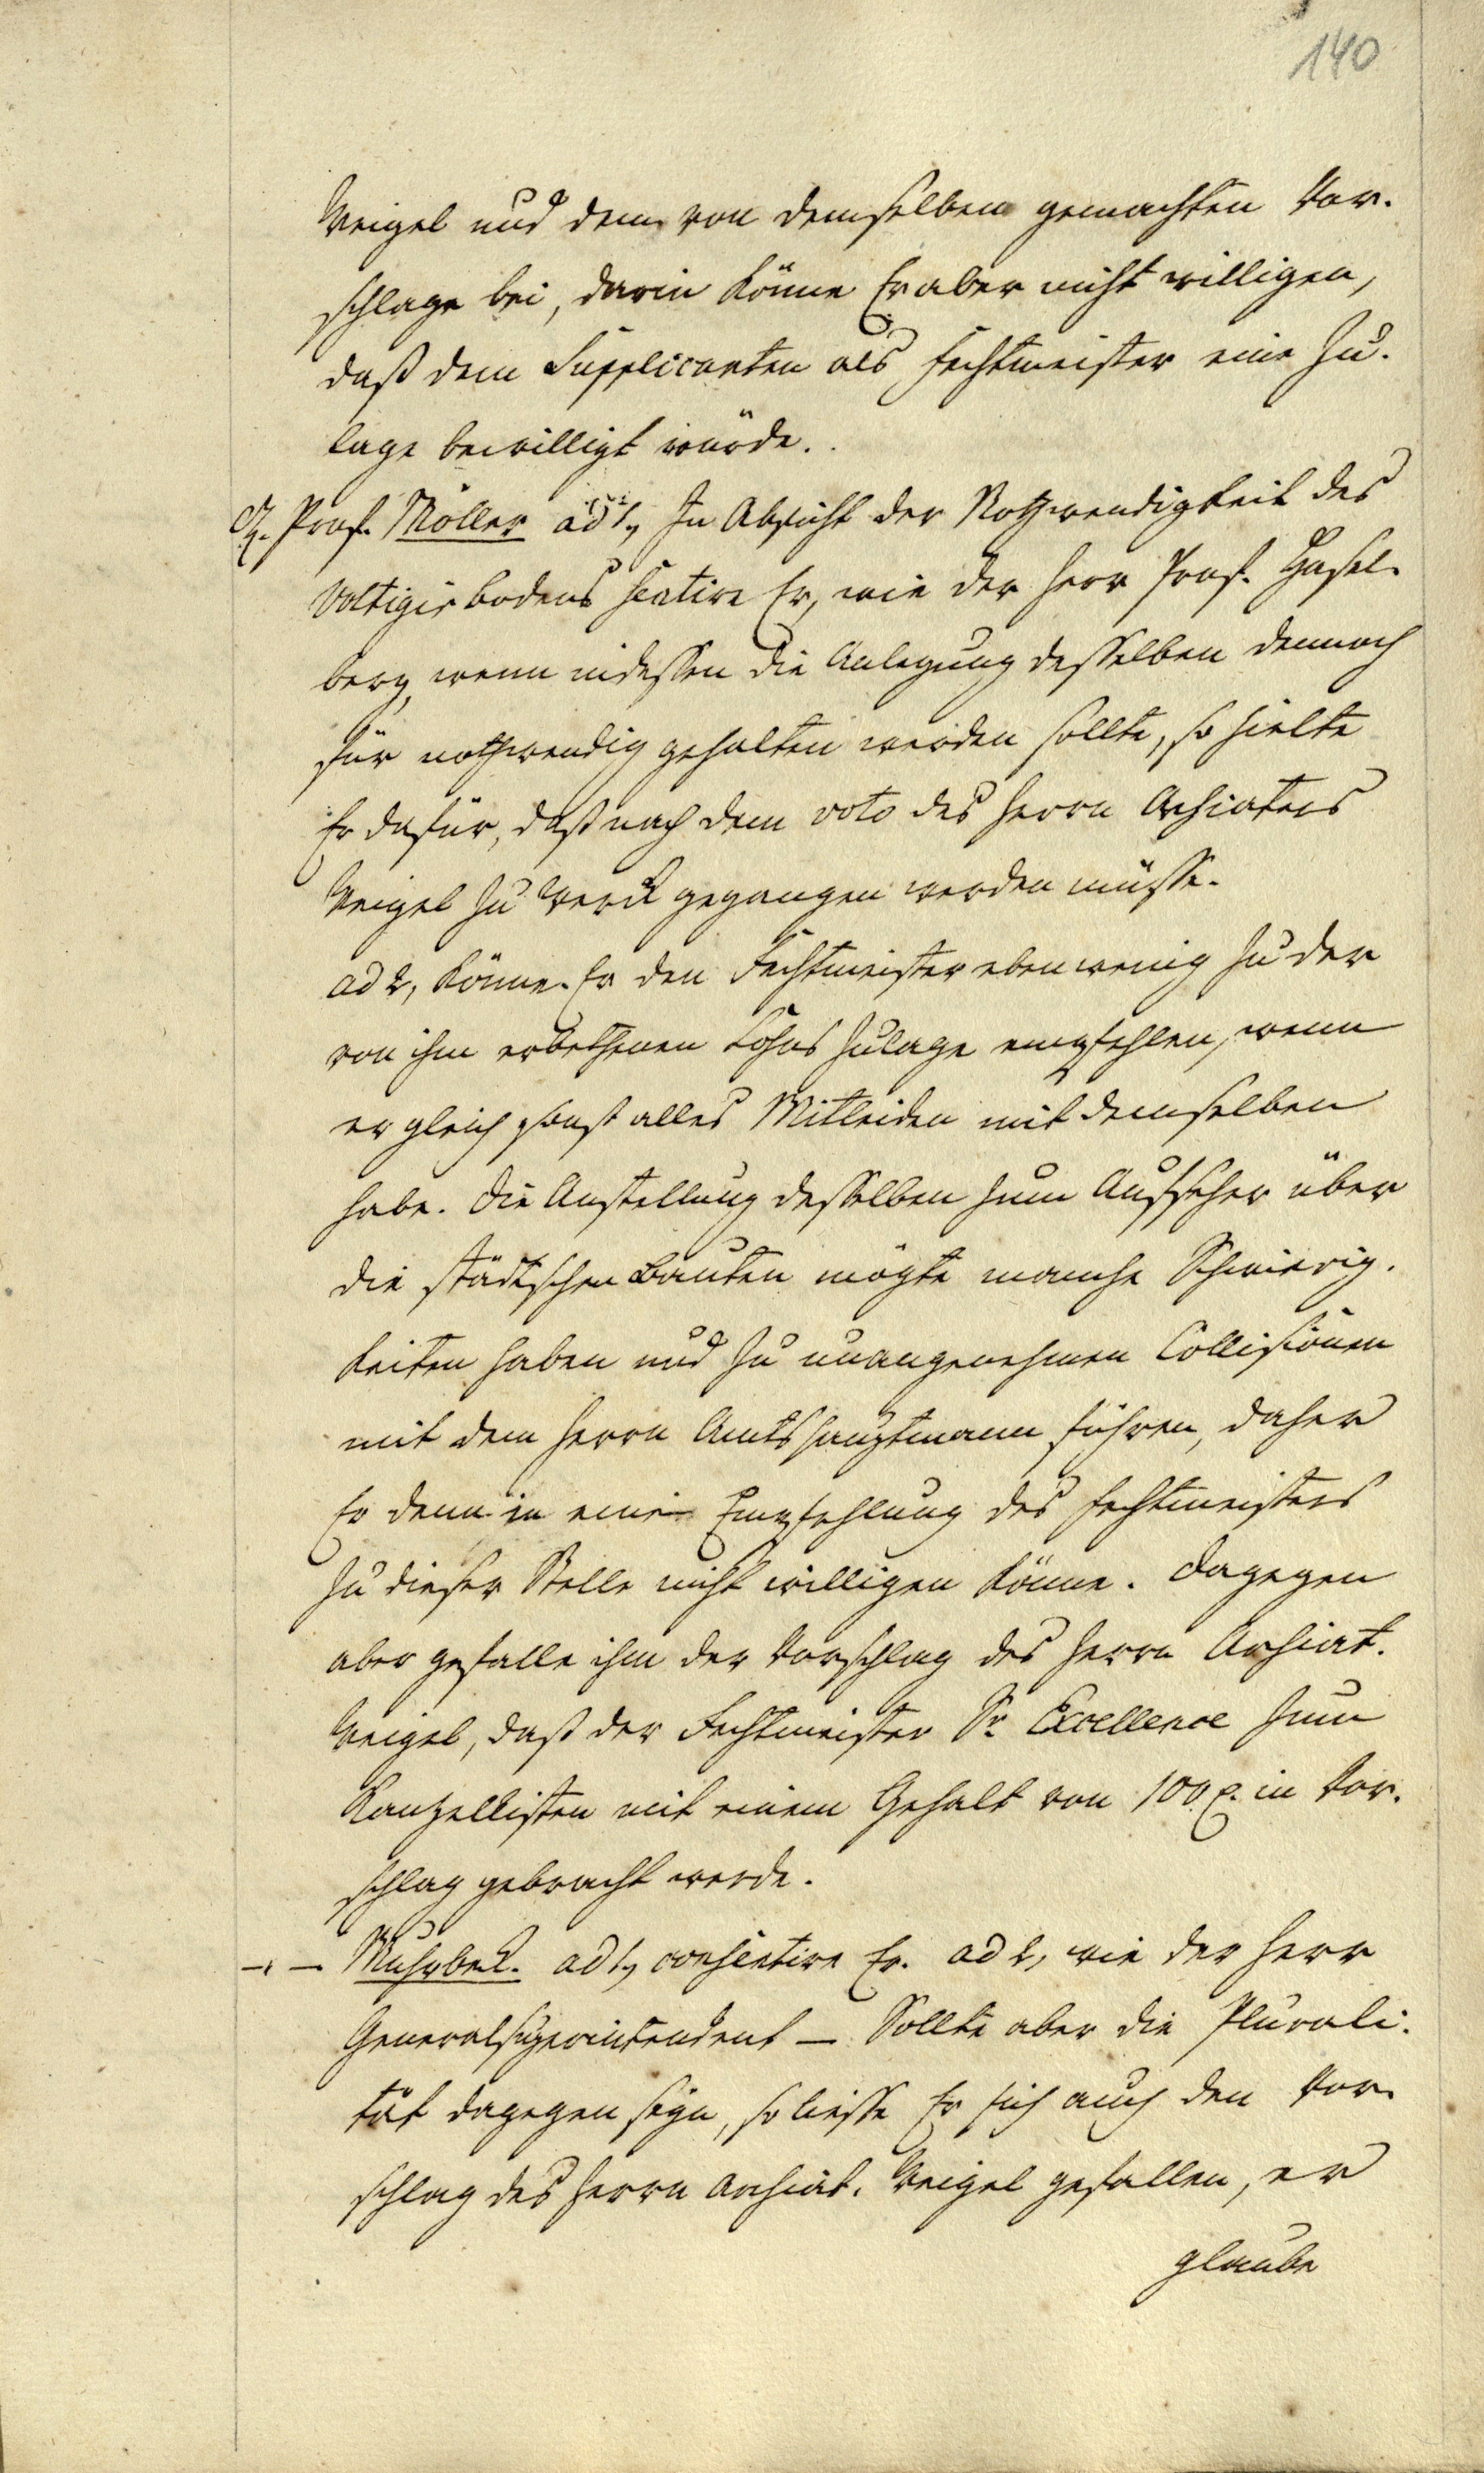Weigel und dem von demselben gemachten Vor¬
schlage bei, darin könne Er aber nicht willigen,
daß dem Supplicanten als Fechtmeister eine Zu¬
lage bewilligt würde.
dh. Prof. Möller ad 1., In Absicht der Nothwendigkeit des
Voltigirbodens sentire Er, wie der Herr Prof. Hasel¬
berg, wenn indessen die Anlegung desselben dennoch
für nothwendig gehalten werden sollte, so hielte
Er dafür, daß nach dem voto des Herrn Archiaters
Weigel zu Werck gegangen werden müsse.
ad 2., könne Er den Fechtmeister eben wenig zu der
von ihm erbethenen Lohns Zulage empfehlen, wenn
er gleich sonst alles Mitleiden mit demselben
habe. Die Anstellung desselben zum Aufseher über
die städtschen Bauten mögte manche Schwierig¬
keiten haben und zu unangenehmen Collisionen
mit dem Herrn Amtshauptmann führen, daher
Er denn in eine Empfehlung des Fechtmeisters
zu dieser Stelle nicht willigen könne. Dagegen
aber gefalle ihm der Vorschlag des Herrn Arhiat¬
Weigel, daß der Fechtmeister Sr Excellence zum
Kanzellisten mit einem Gehalt von 100 l. in Vor¬
schlag gebracht werde.
Muhrbeck. ad 1., consentire Er. ad 2, wie der Herr
Generalsuperintendent Sollte aber die Plurali¬
tät dagegen seÿn, so liesse Er sich auch den Vor¬
schlag des Herrn Archiat. Weigel gefallen, er
glaube